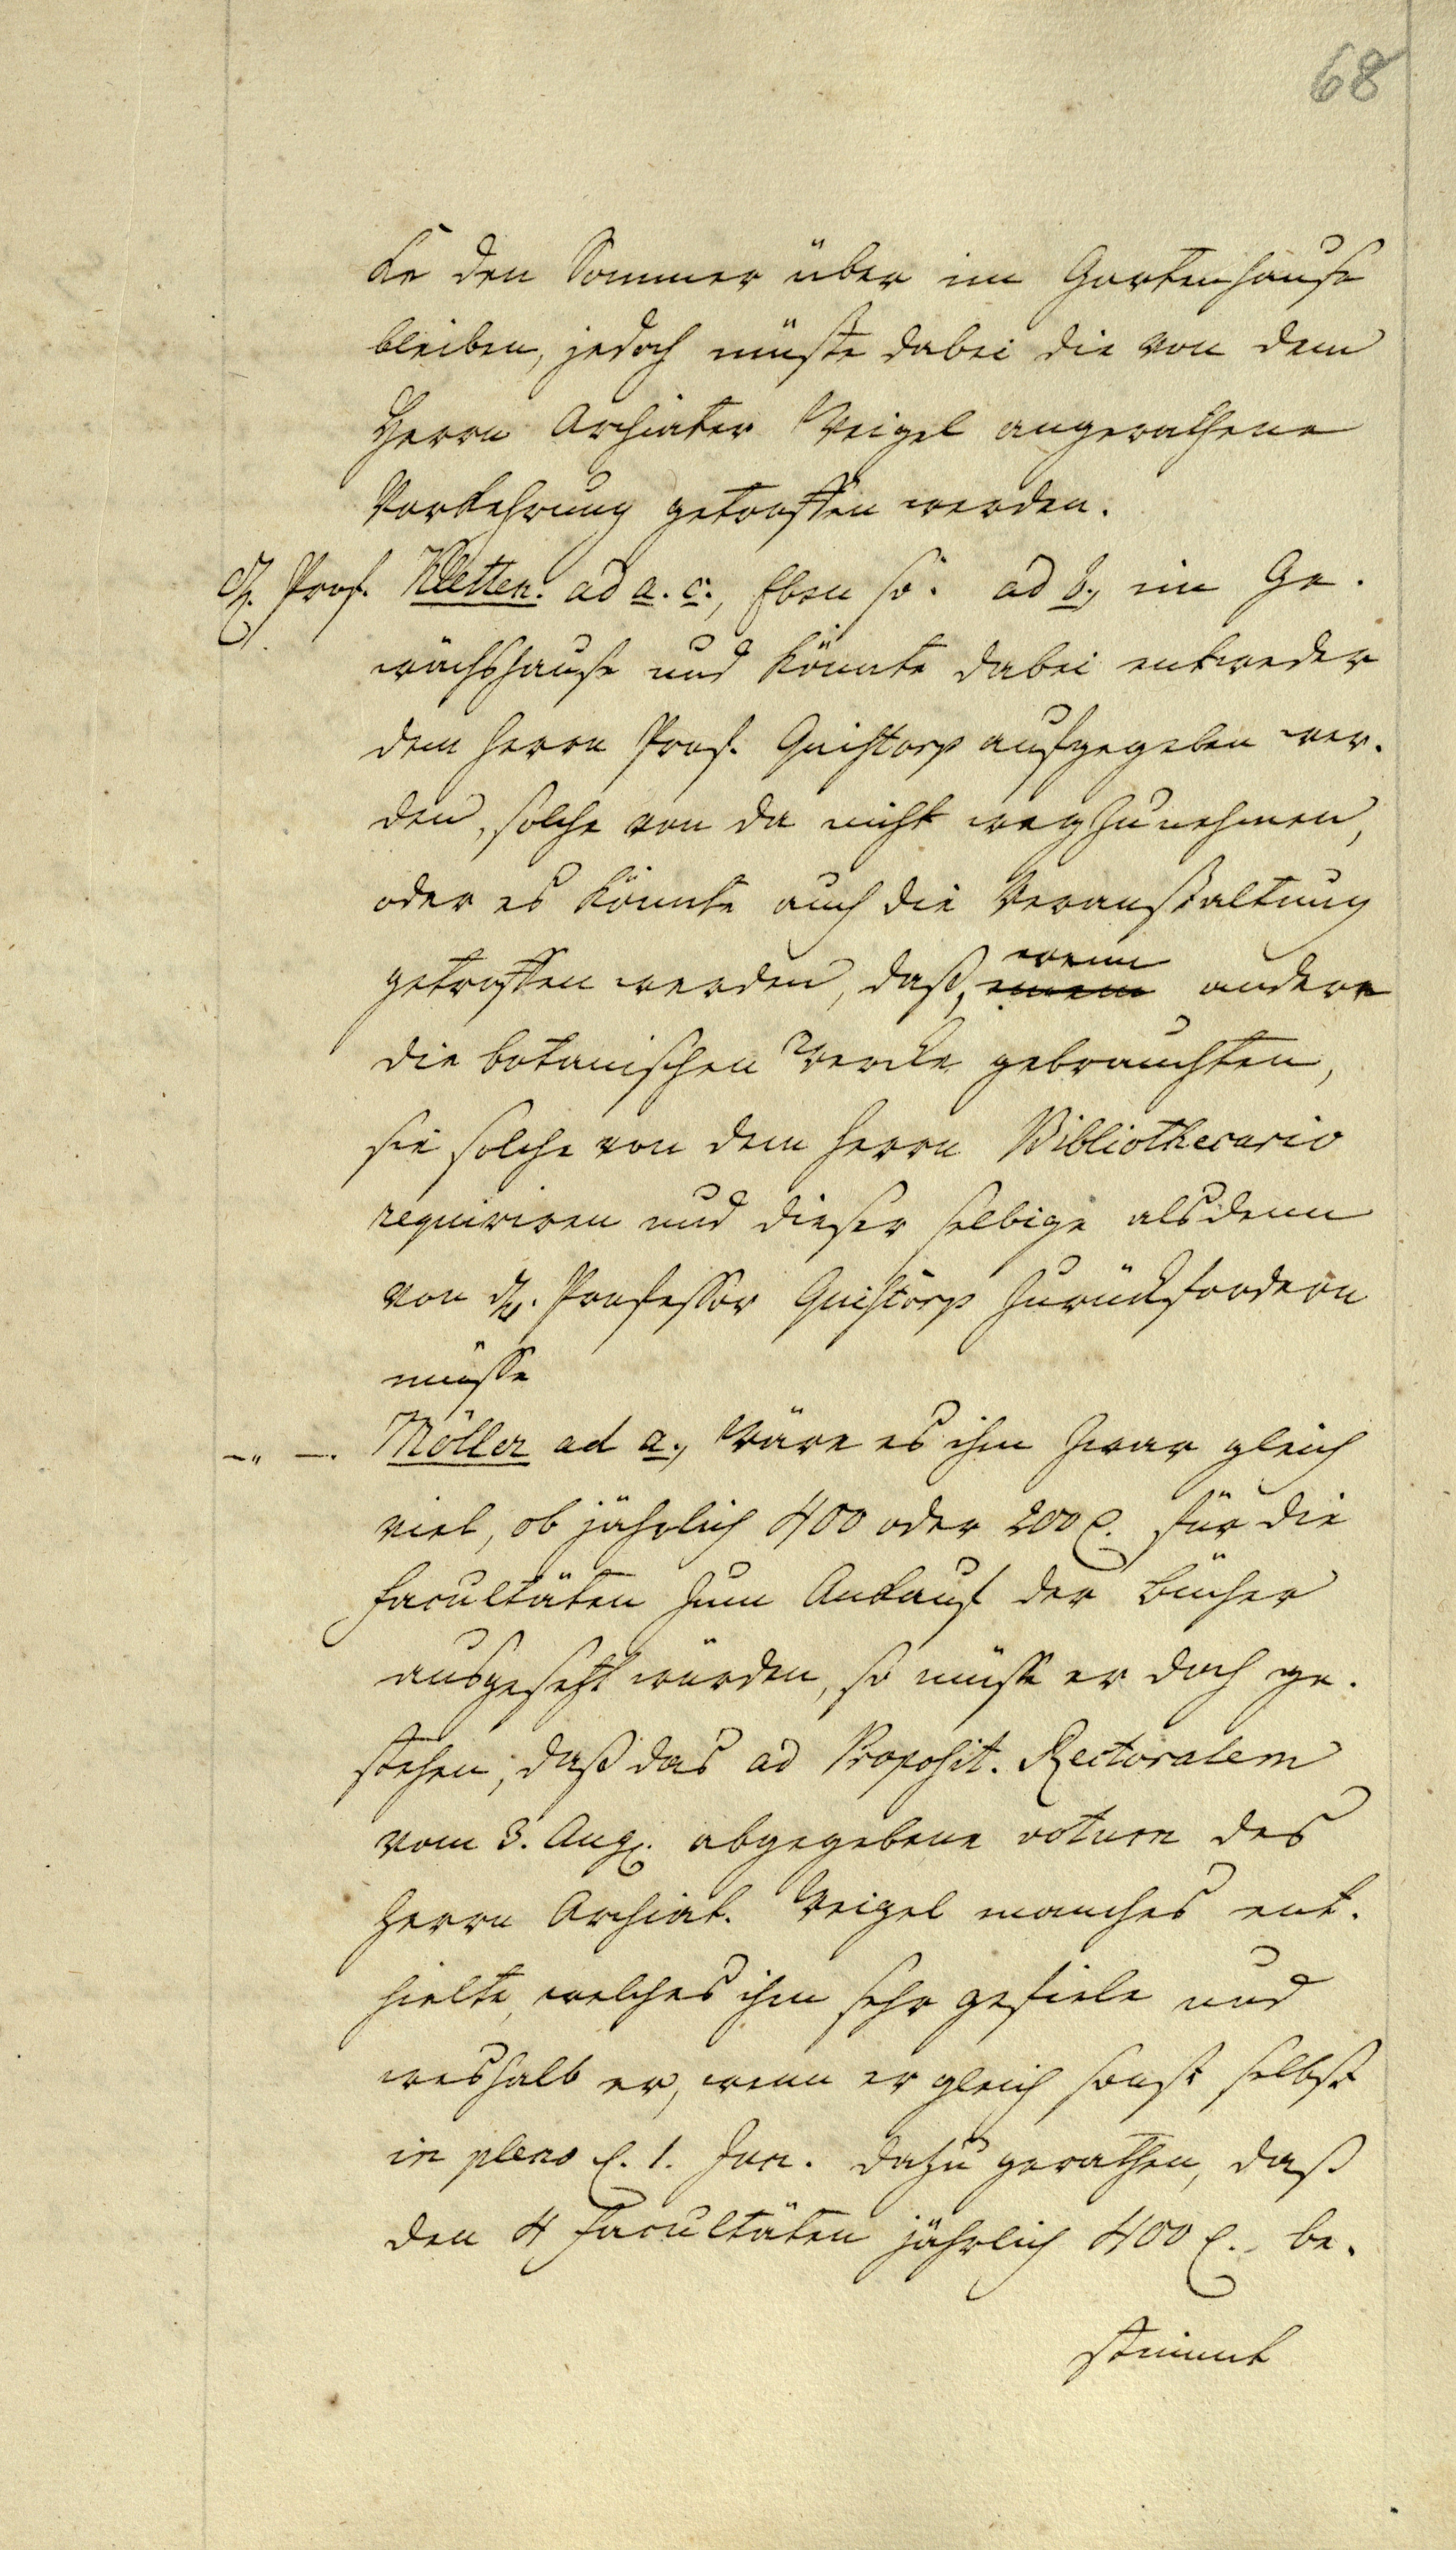ke den Sommer über im Gartenhause
bleiben, jedoch müßte dabei die von dem
Herrn Archiater Weigel angerathene
Vorkehrung getroffen werden.
dh. Prof. Kletten. ad a. c. Eben so. ad b. im Ge¬
wächshause und könnte dabei entweder
dem Herrn Prof. Quistorp aufgegeben wer¬
den, solche von da nicht wegzunehmen,
oder es könnte auch die Veranstaltung
getroffen werden, daß wenn andere
die botanischen Wercke gebrauchten,
sie solche von dem Herrn Bibliothecario
requiriren und dieser selbige als denn
von dh. Professor Quistorp zurückfordern
müsse
Möller ad a., Wäre es ihm zwar gleich
viel, ob jährlich 400 oder 200 l. für die
Facultäten zum Ankauf der Bücher
ausgesetzt würden, so müsse er doch ge¬
stehen, daß das ad Proposit. Rectoralem
vom 3. Aug. abgegebene votum des
Herrn Archiat. Weigel manches ent¬
hielte, welches ihm sehr gefiele und
weshalb er, wenn er gleich sonst selbst
in pleno d. 1. Jun. dazu gerathen daß
den 4 Facultäten jährlich 400 l. be¬
stimmt